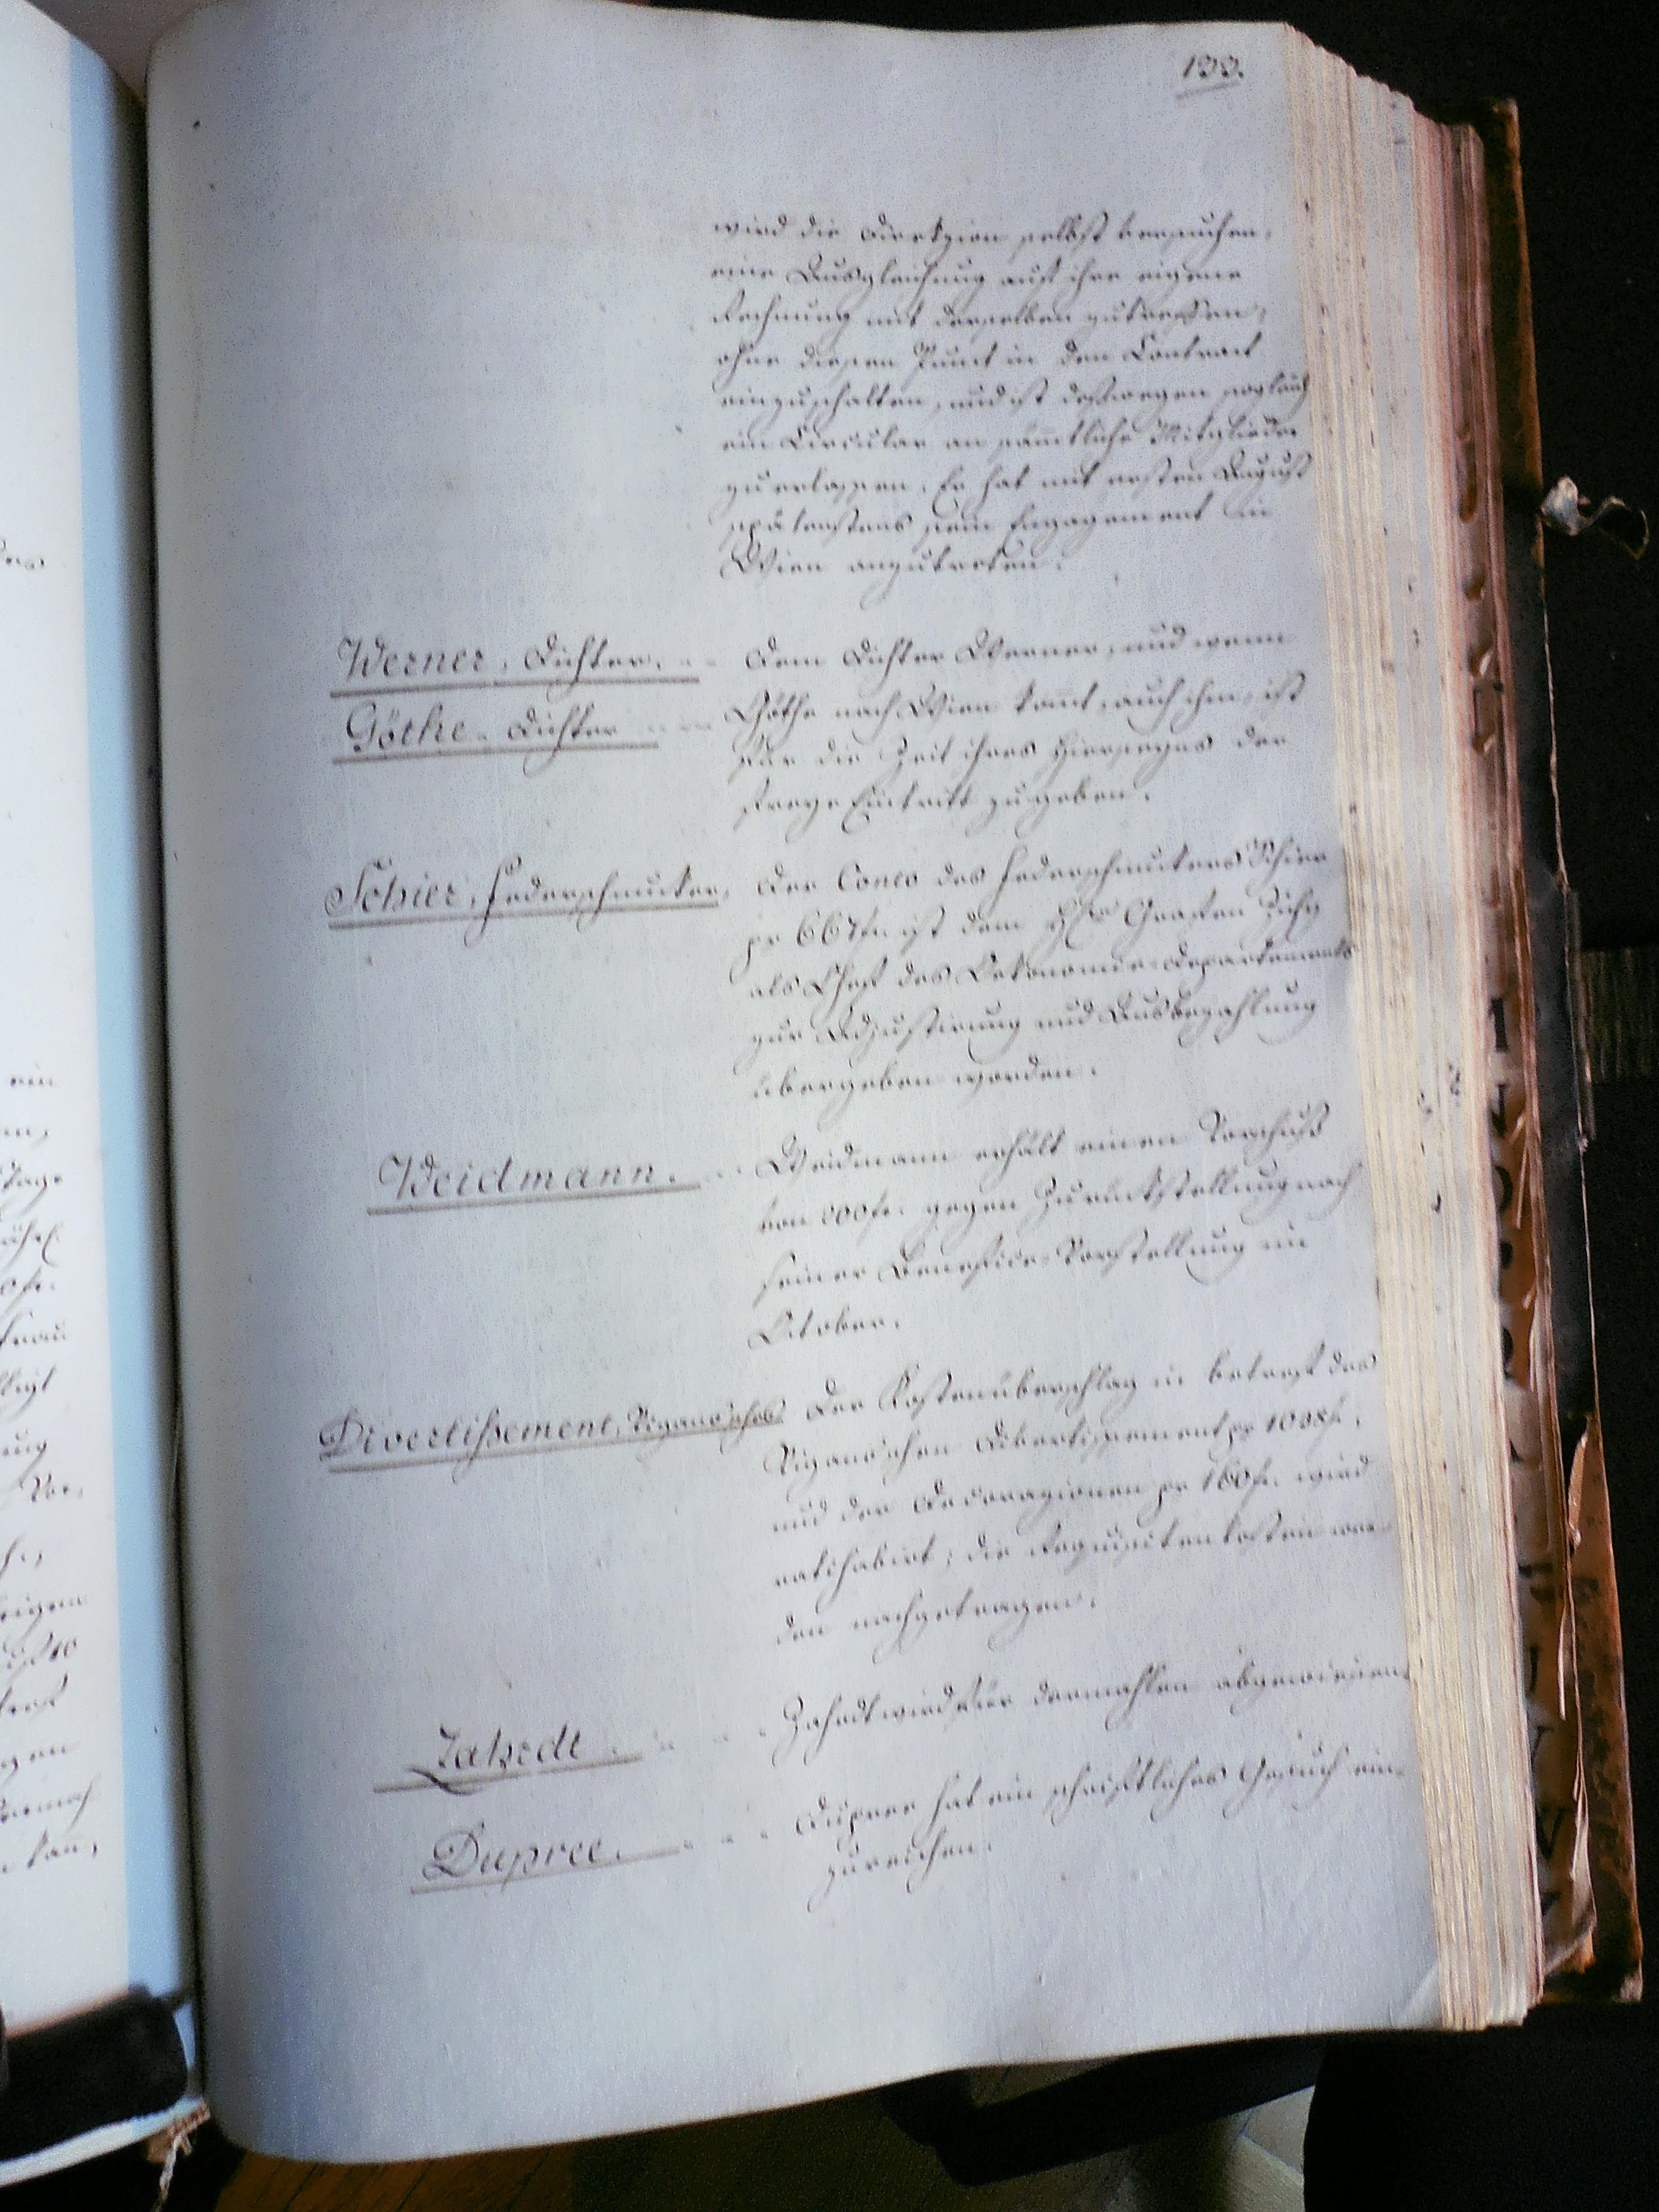133.
wird die Direkzion selbst versuchen,
eine, Ausgleichung auf ihre eigene
Rechnung mit derselben zutreffen
ohne diesen Punct in den Contract
einzuschalten, und ist deßwegen zugleich
ein Circular an säm̅tliche Mitglieder
zu erlassen. Er hat mit ersten August
spätenstens sein Engagement in
Wien anzutreten.
Werner, Dichter. .. .. Dem Dichter Werner, und wenn
Göthe. Dichter. Göthe nach Wien kom̅t, auf ihn ist
für die Zeit ihres Hierseyns der
freye Eintritt zugeben.
Schier, Federschmucker. Der Coneo des Federschmuckers Schier,
pr͇ 667fr. ist dem HEr͇n Grafen Zichy
als Chef des Oekonomie=Departements
zur Adjustierung und Ausbezahlung
übergeben worden.
Weidmann. . . Weidmann erhält einen Vorschuß
von 200fr. gegen Zurückstellung nach
seiner Benefice=Vorstellung im
October.
Divertissement, Vigano'sches Der Kostenüberschlag in betref des
Viganoscheen Divertissement pr͇ 1008fr.,
und den Decorazionen pr͇ 160fr. wird
ratihabirt; die Requisiten Kosten wer¬
den nachgetragen.
Zahedt . .. .. Zahedt wird für dermahlen abgewiesen.
Dupree. .. .. .. Dupree hat ein schriftliches Gesuch ein
zureichen.